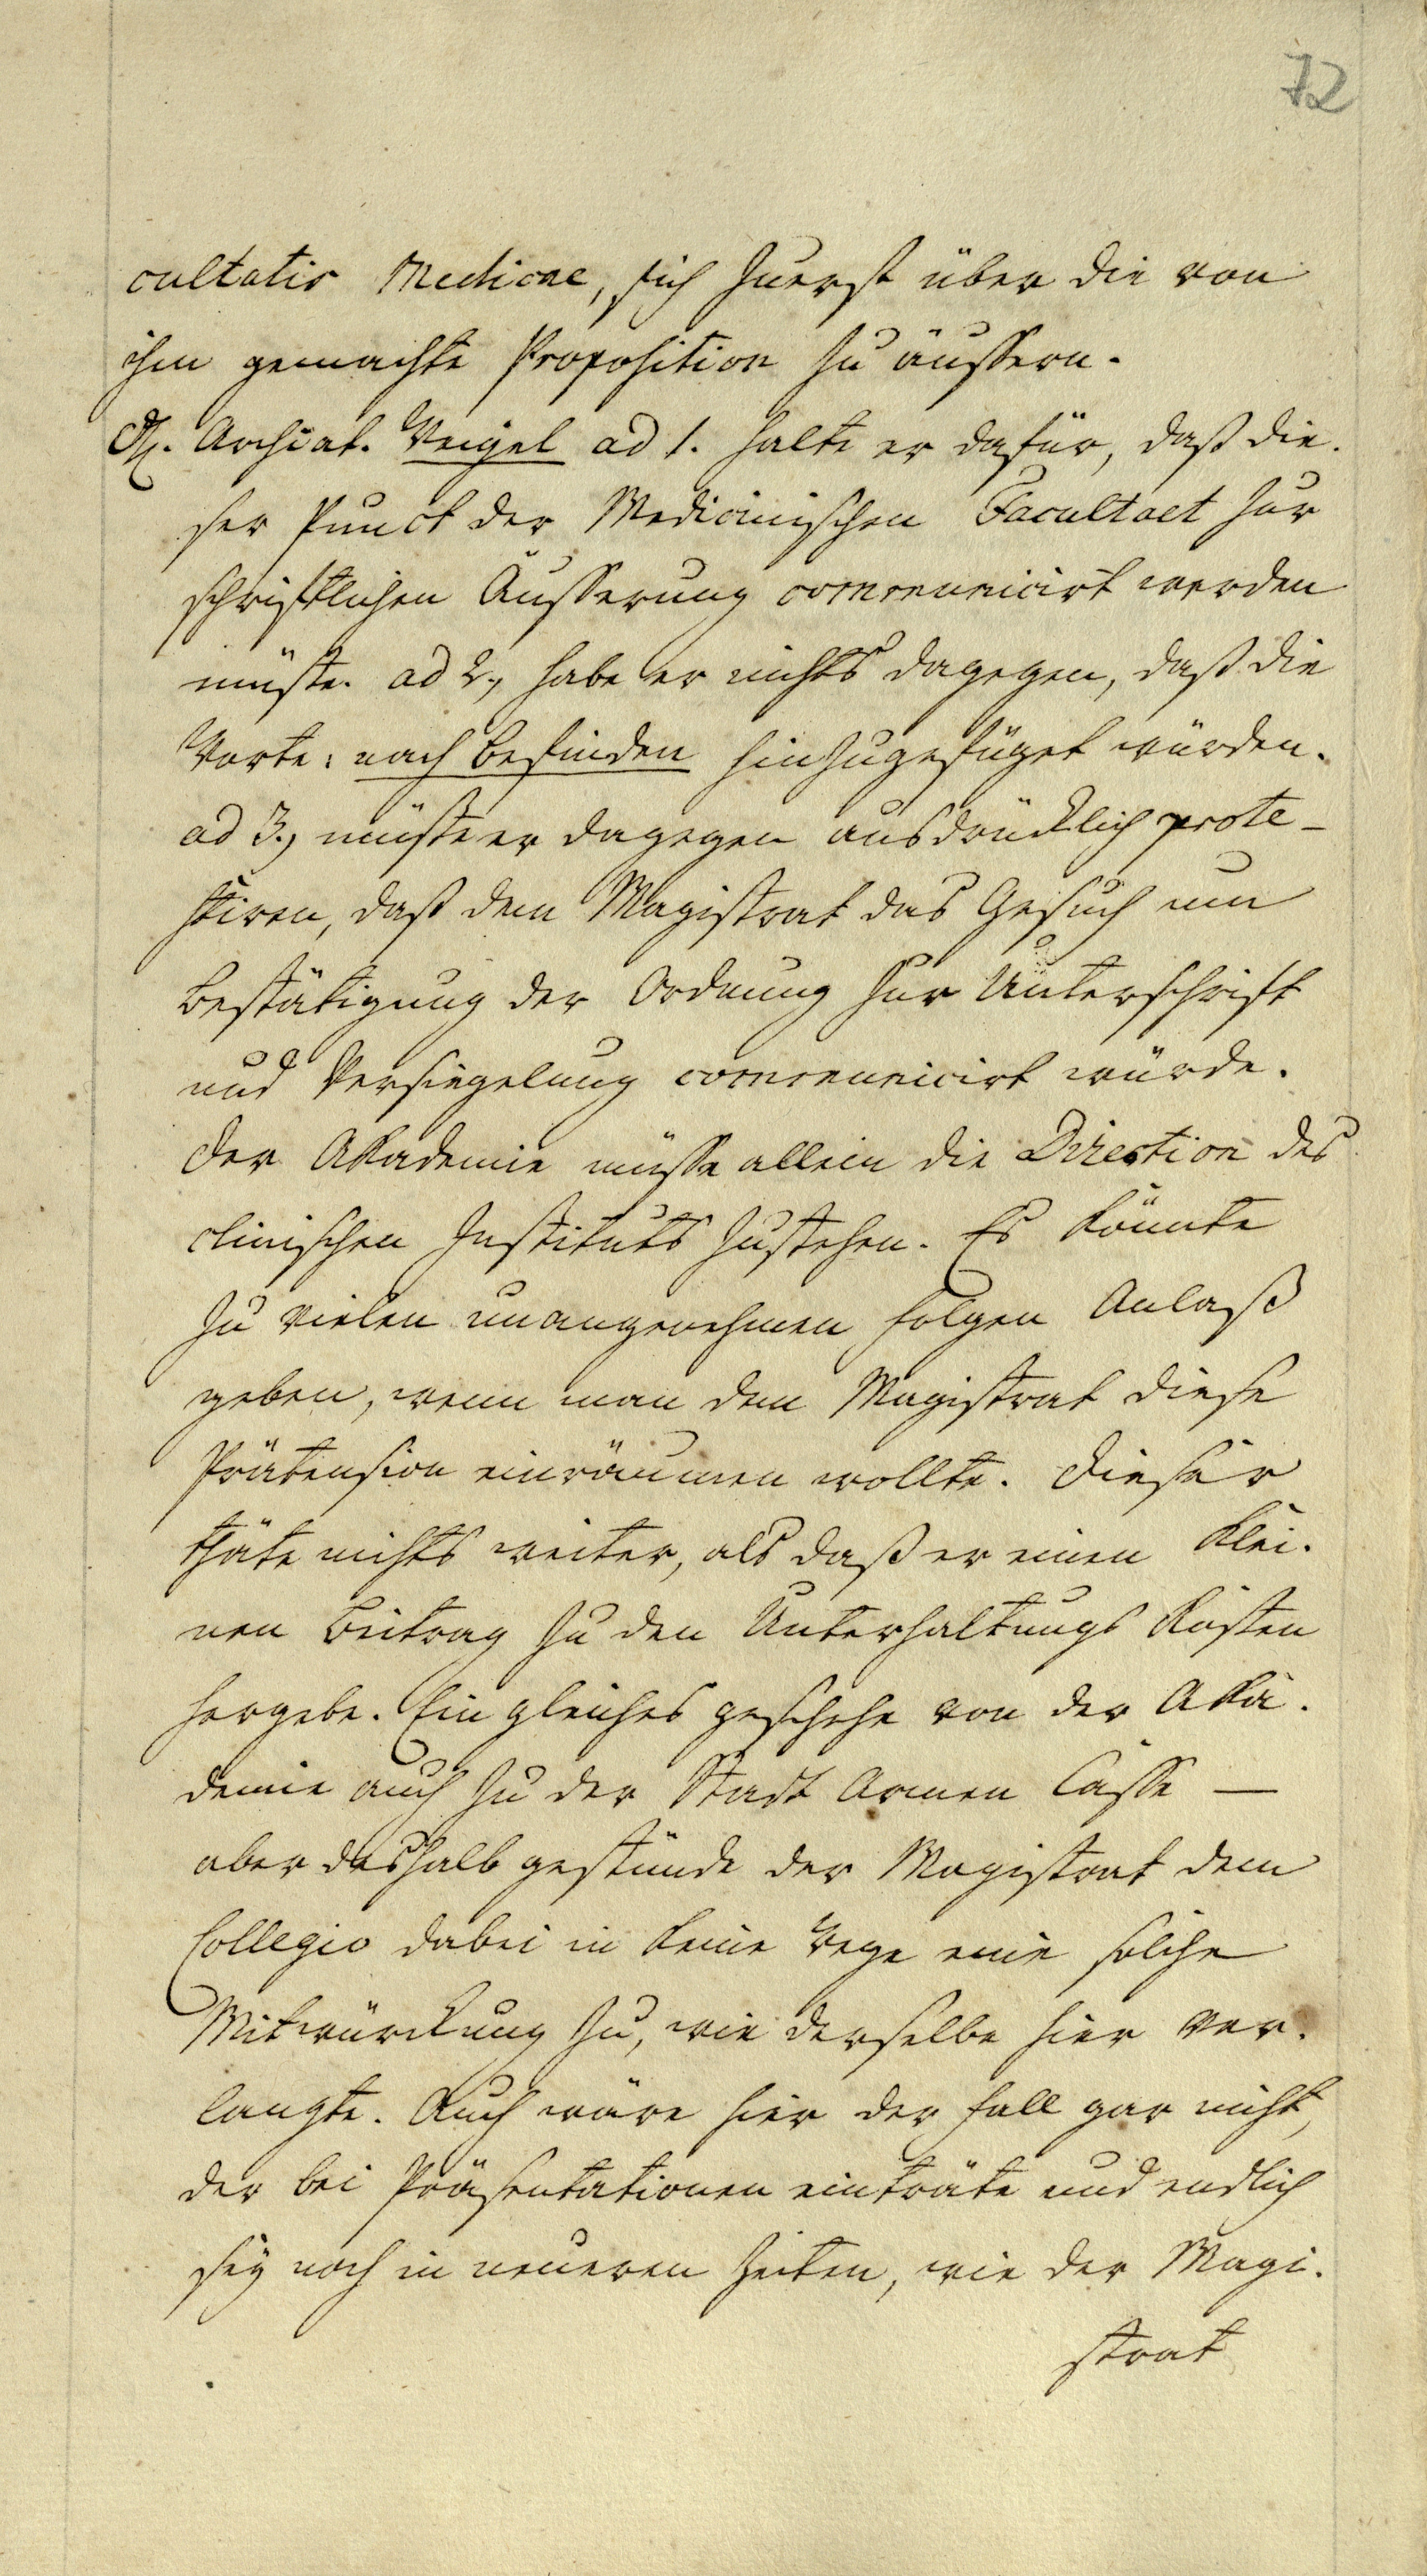cultatis Medicae, sich zuerst über die von
ihm gemachte Proposition zu äussern.
dh. Archiat. Weigel ad 1. halte er dafür, daß die
ser Punct der Medicinischen Facultaet zur
schriftlichen Äusserung communicirt werden
müßte. ad 2., habe er nichts dagegen, daß die
Worte: nach befinden hinzugefüget würden.
ad 3., müsste er dagegen ausdrücklich prote¬
stiren, daß dem Magistrat das Gesuch um
Bestätigung der Ordnung zur Unterschrift
und Versiegelung communicirt würde.
Der Akademie müsse allein die Direction des
clinischen Instituts zustehen. Es könnte
zu vielen unangenehmen Folgen Anlaß
geben, wenn man dem Magistrat diese
Prätension einräumen wollte. Dieser
thäte nichts weiter, als daß er einen klei¬
nen Beitrag zu den Unterhaltungs Kosten
hergebe. Ein gleiches geschehe von der Aka¬
demie auch zu der Stadt Armen Casse -
aber deshalb gestünde der Magistrat dem
Collegio dabei in keine Wege eine solche
Mitwürckung zu, wie derselbe hier ver¬
langte. Auch wäre hier der Fall gar nicht,
der bei Präsentationen einträte und endlich
seÿ noch in neueren Zeiten, wie der Magi¬
strat